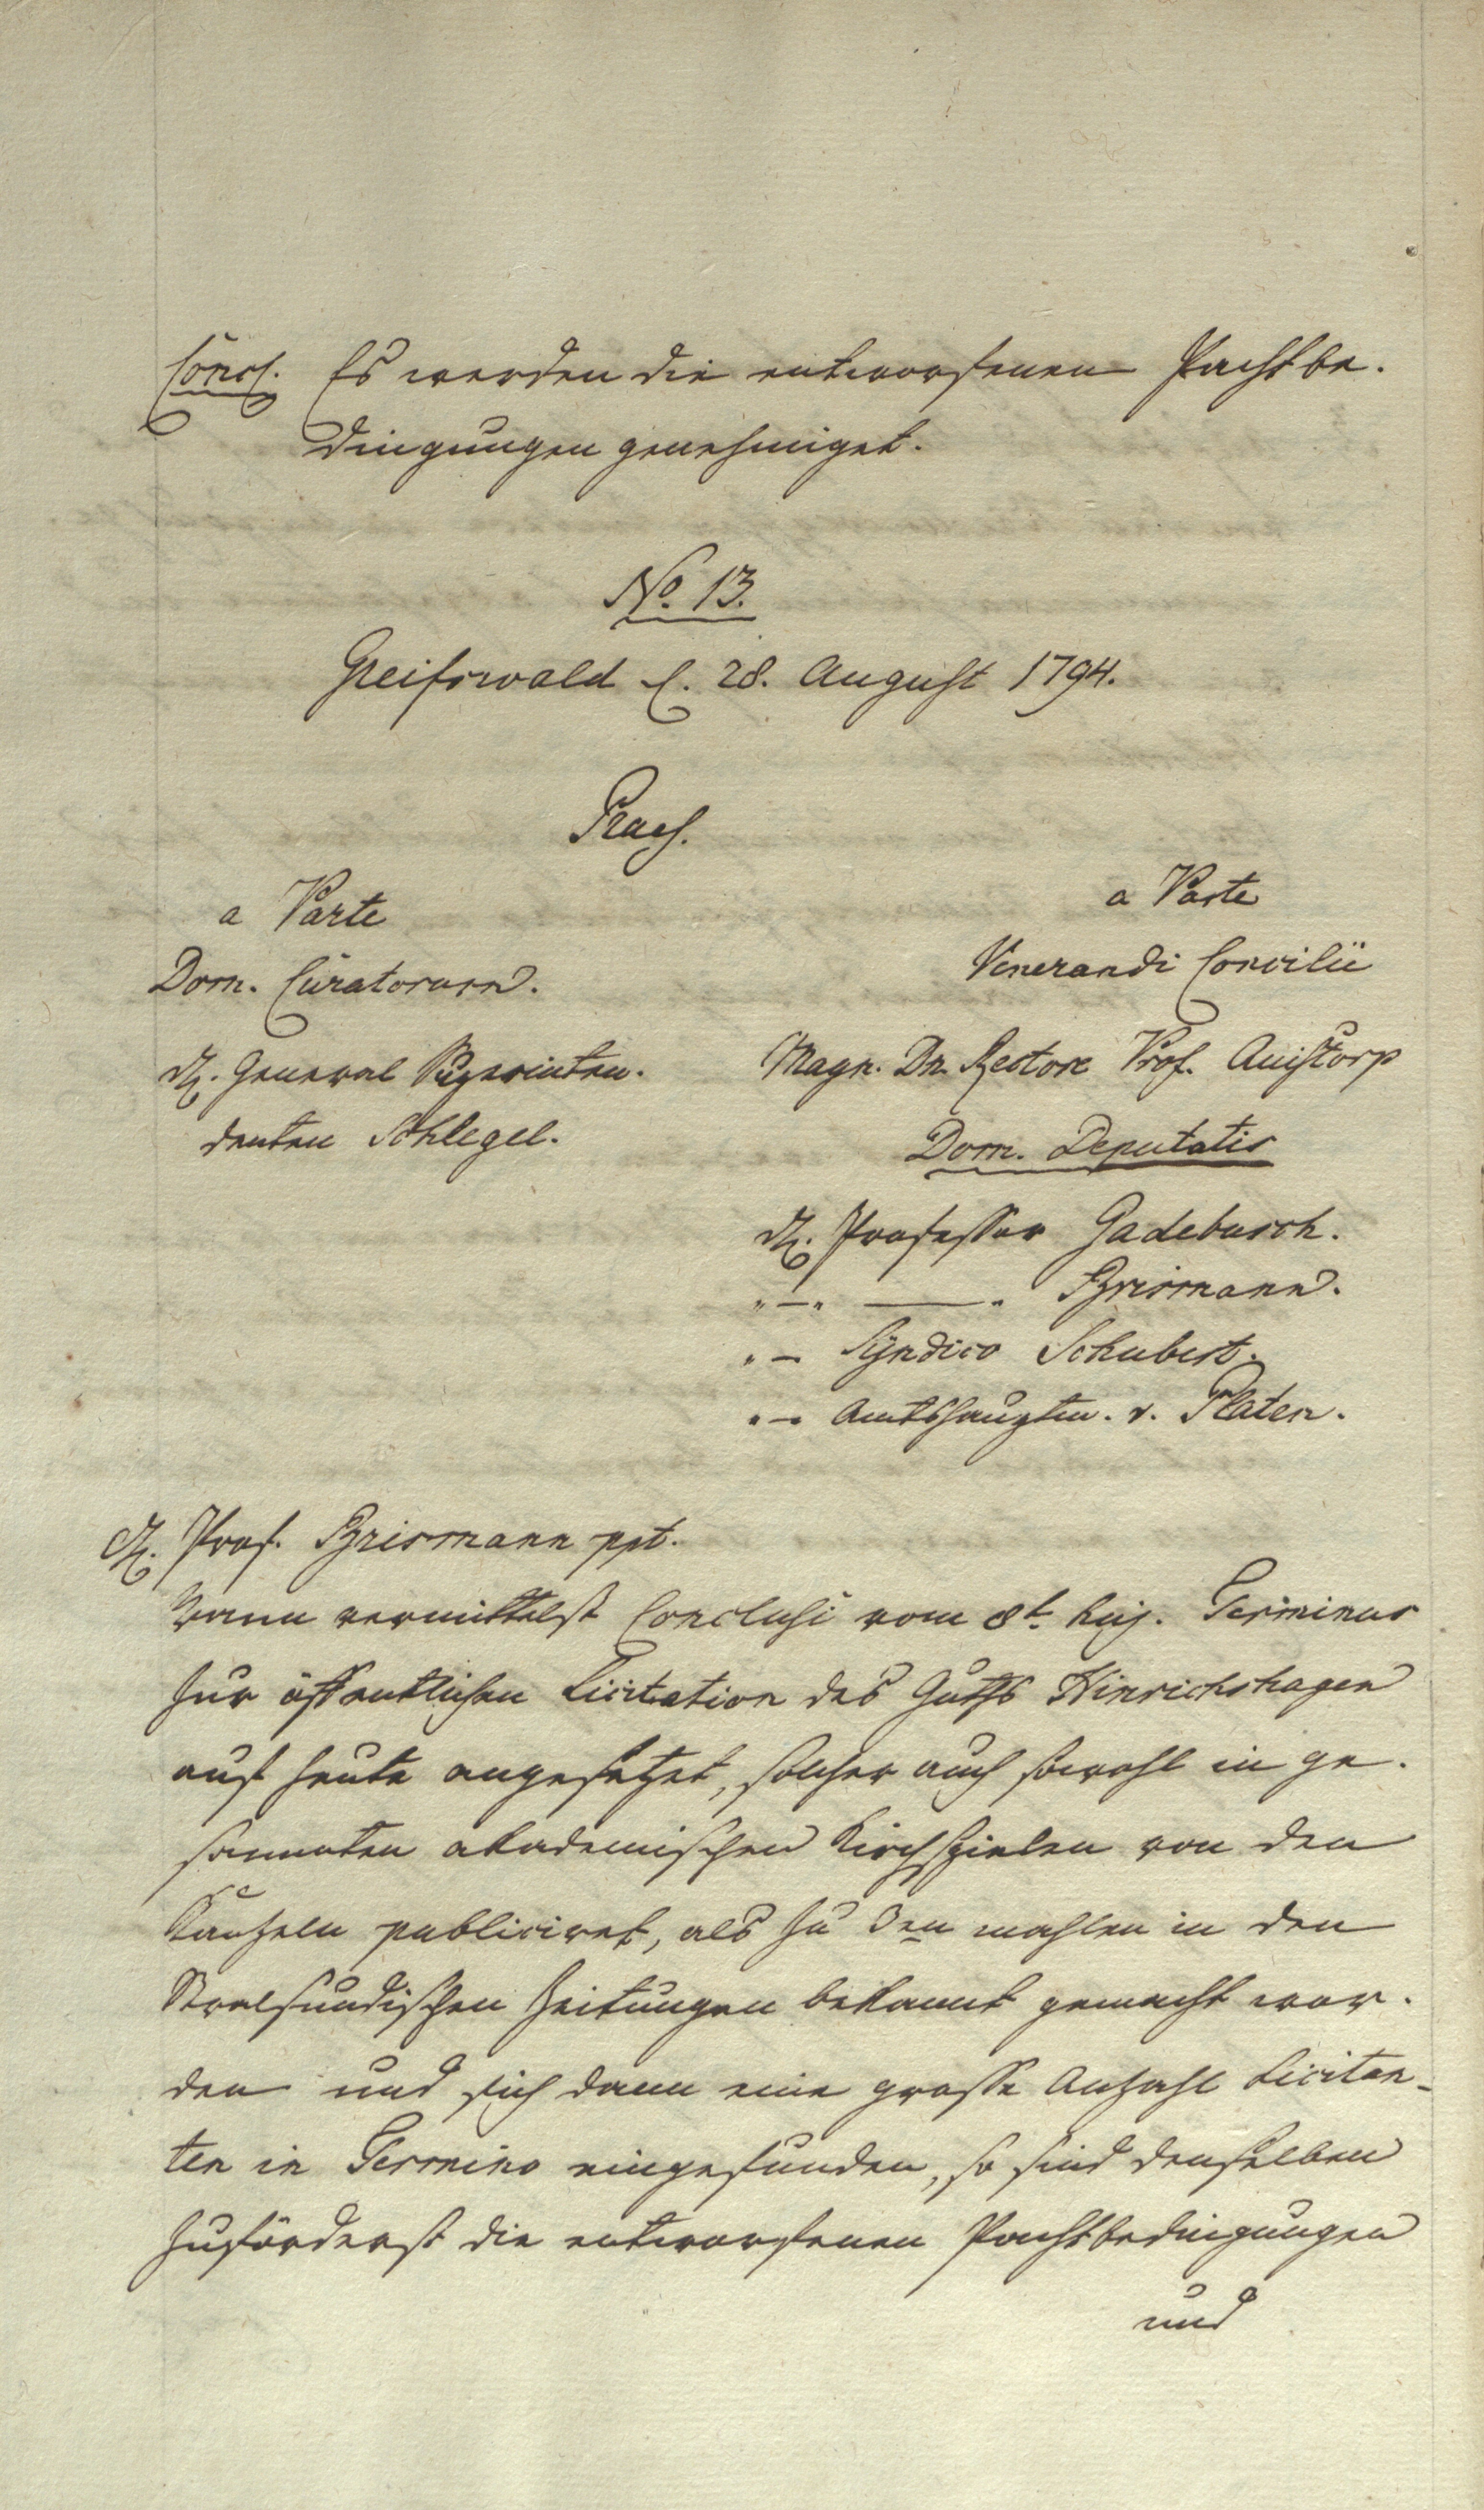Concl. Es werden die entworfenen Pachtbe¬
dingungen genehmiget.
No 13.
Greifswald d. 28. August 1794.
Praes.
a Parte a Parte
Dom. Curatorum. Venerandi Concilii
dh. General Superinten¬ Magn. Dn. Rectore Prof. Quistorp
denten Schlegel.
Dom. Deputatis
dh. Professor Gadebusch.
Brismann.
Sÿndico Schubert.
Amtshauptm. v. Platen.
dh. Prof. Brismann ppt.
Wann vermittelst Conclusi vom 8 t huj. Terminus
zur öffentlichen Licitation des Guths Hinrichshagen
auf heute angesetzet, solcher auch sowohl in ge¬
sammten akademischen Kirchspielen von den
Kanzelm publiciret, als zu den mahlen in den
Stralsundischen Zeitungen bekannt gemacht wor¬
den und sich dann eine grosse Anzahl Licitan¬
ten in Termino eingefunden, so sind denselben
zuförderst die entworfenen Pachtbedingungen
und